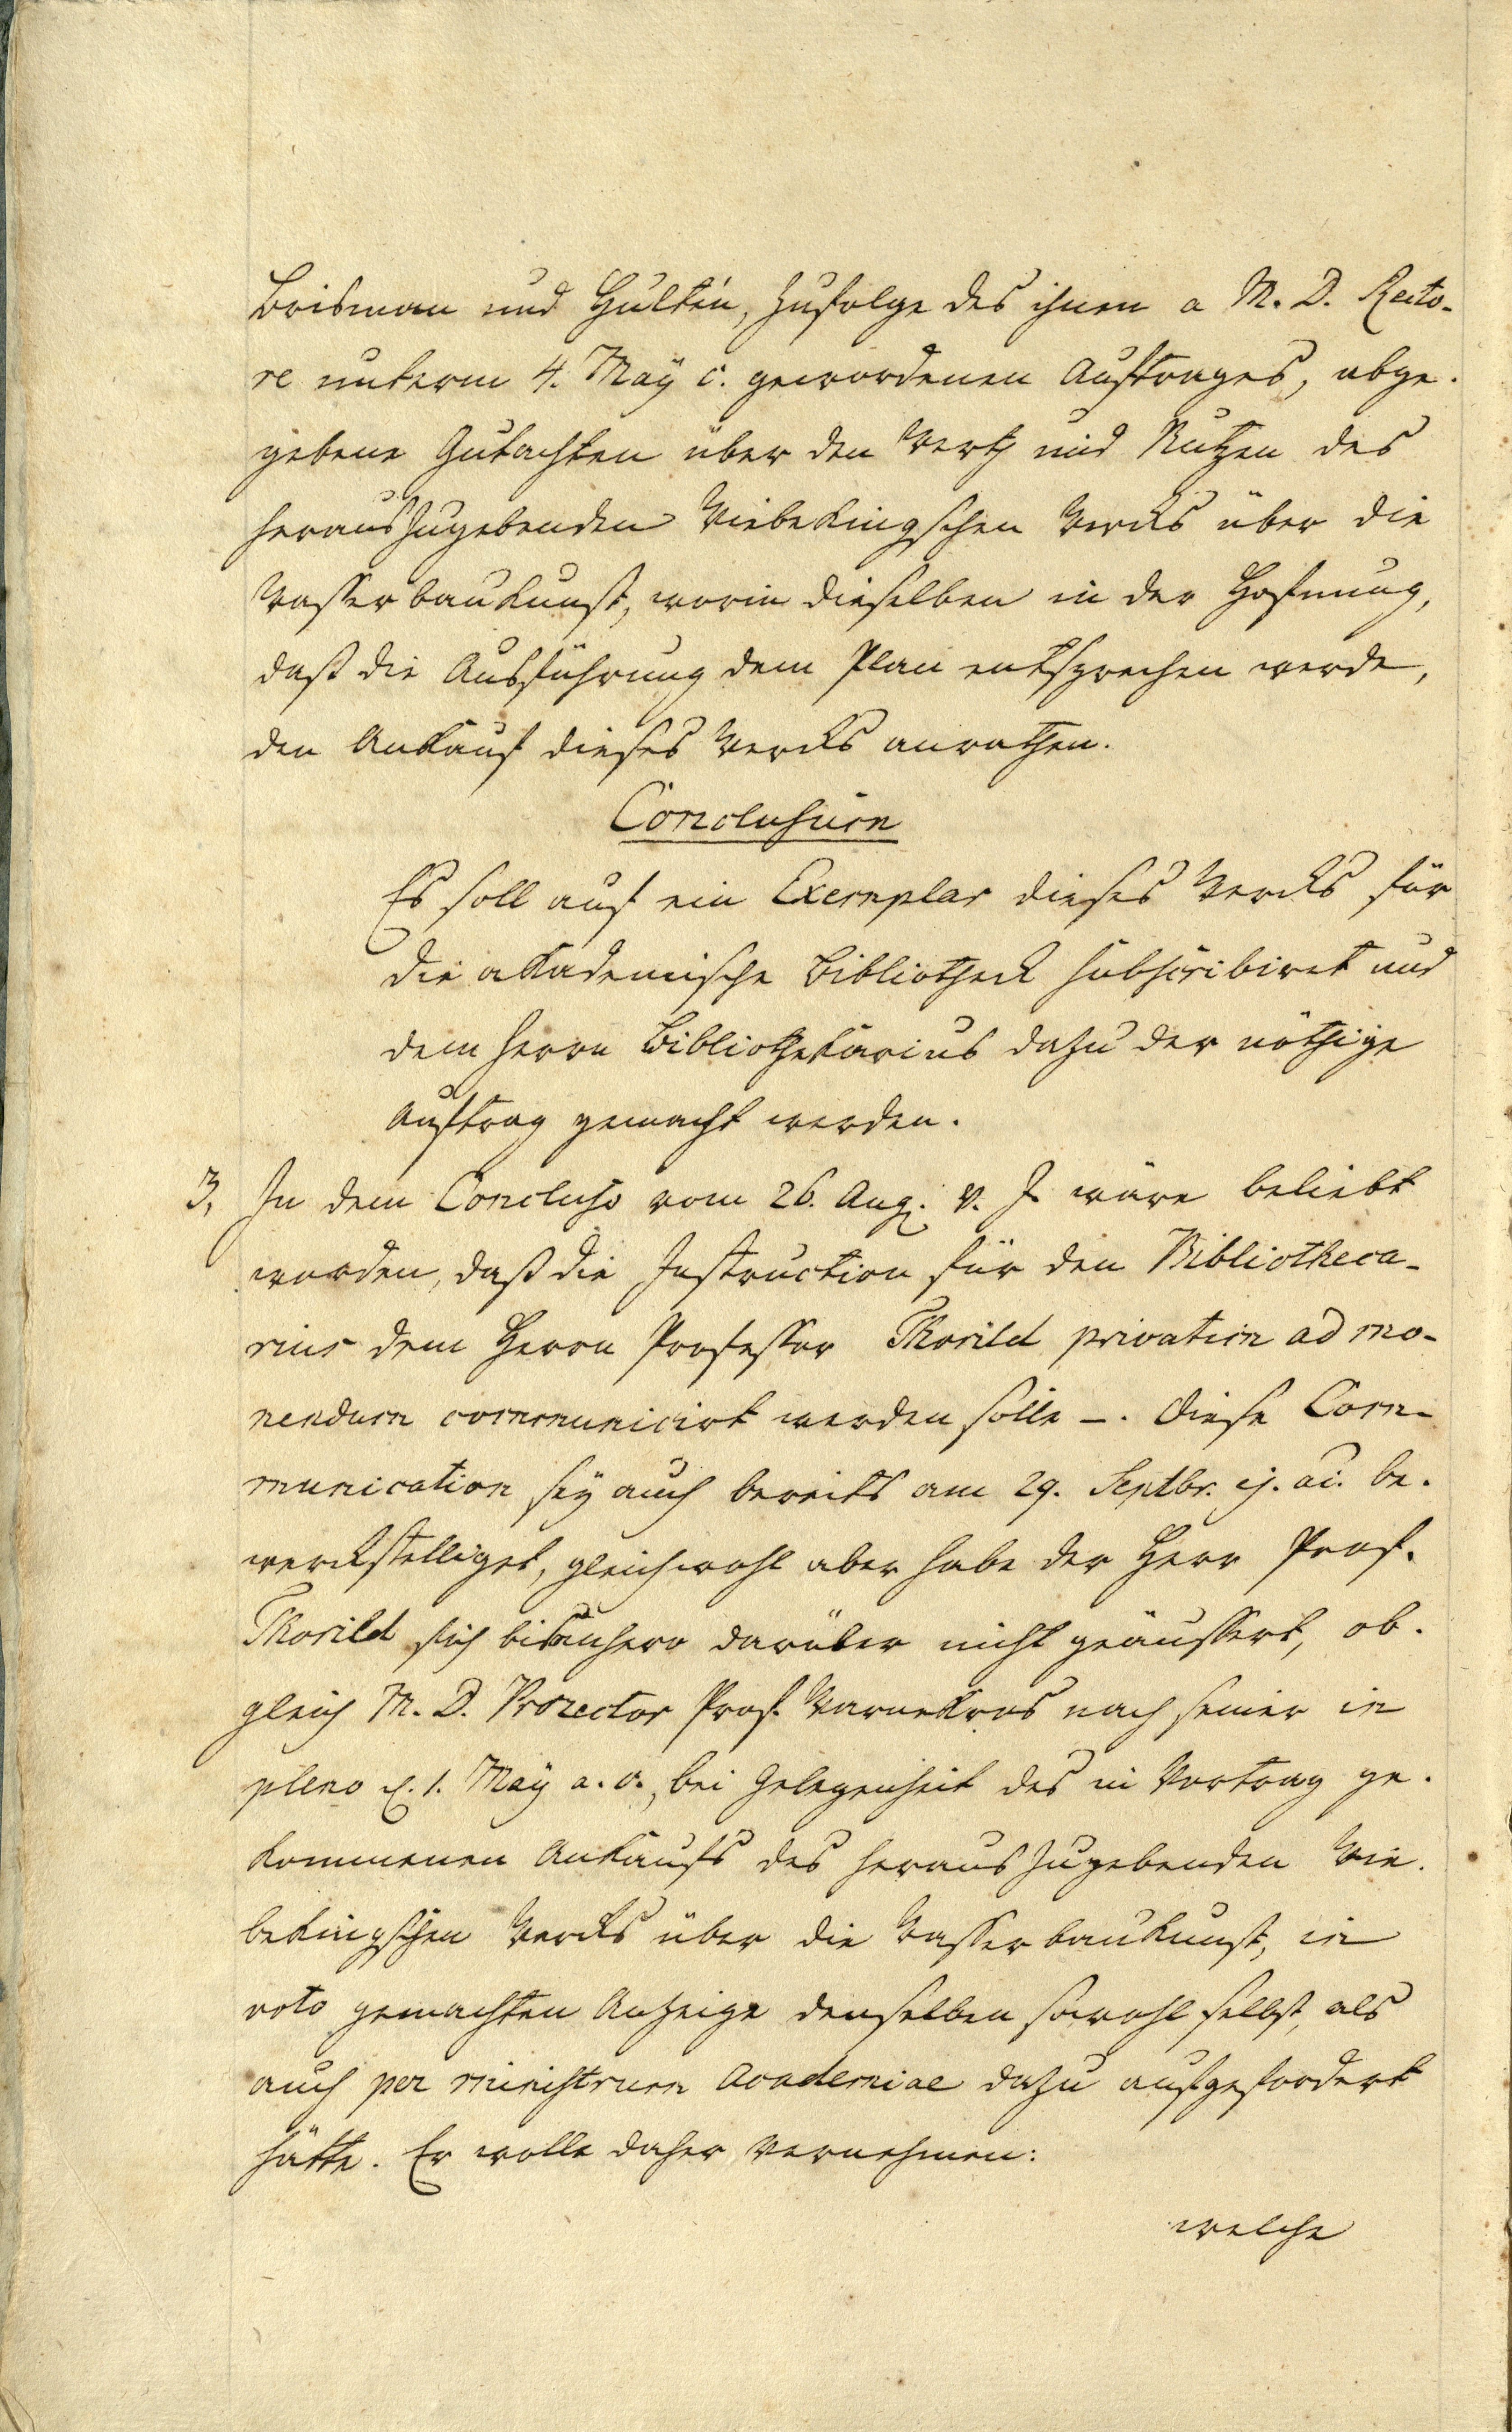Brisman und Hultèn, Zufolge des ihnen a M. D. Recto¬
re unterm 4. Maÿ c. gewordenen Auftrages, abge¬
gebene Gutachten über den Werth und Nutzen des
herauszugebenden Wiebekingschen Wercks über die
Wasserbaukunst, worin dieselben in der Hofnung,
daß die Ausführung dem Plan entsprechen werde,
den Ankauf dieses Wercks anrathen.
Conclusum
Es soll auf ein Exemplar dieses Wercks für
die akademische Bibliotheck subscribiret und
dem herrn Bibliothekarius dazu der nöthige
Auftrag gemacht werden.
3. In dem Concluso vom 26. Aug. v. J. wäre beliebt
worden, daß die Instruction für den Bibliotheca¬
rius dem Herrn Professor Thorild privatim ad mo¬
nendum communicirt werden solle. Diese Com¬
munication seÿ auch bereits am 29. Septbr. ej. ac. be¬
werckstelliget, gleichwohl aber habe der Herr Prof.
Thorild sich bisanhero darüber nicht geäussert, ob¬
gleich M. D. Prorector Prof. Warnekros nach seiner in
pleno l. 1. Maÿ a. c., bei Gelegenheit des in Vortrag ge¬
kommenen Ankaufs des herauszugebenden Wie¬
bekingschen Wercks über die Wasserbaukunst, in
voto gemachten Anzeige denselben sowohl selbst, als
auch per ministrum Academiae dazu aufgefordert
hätte. Er wolle daher vernehmen:
welche